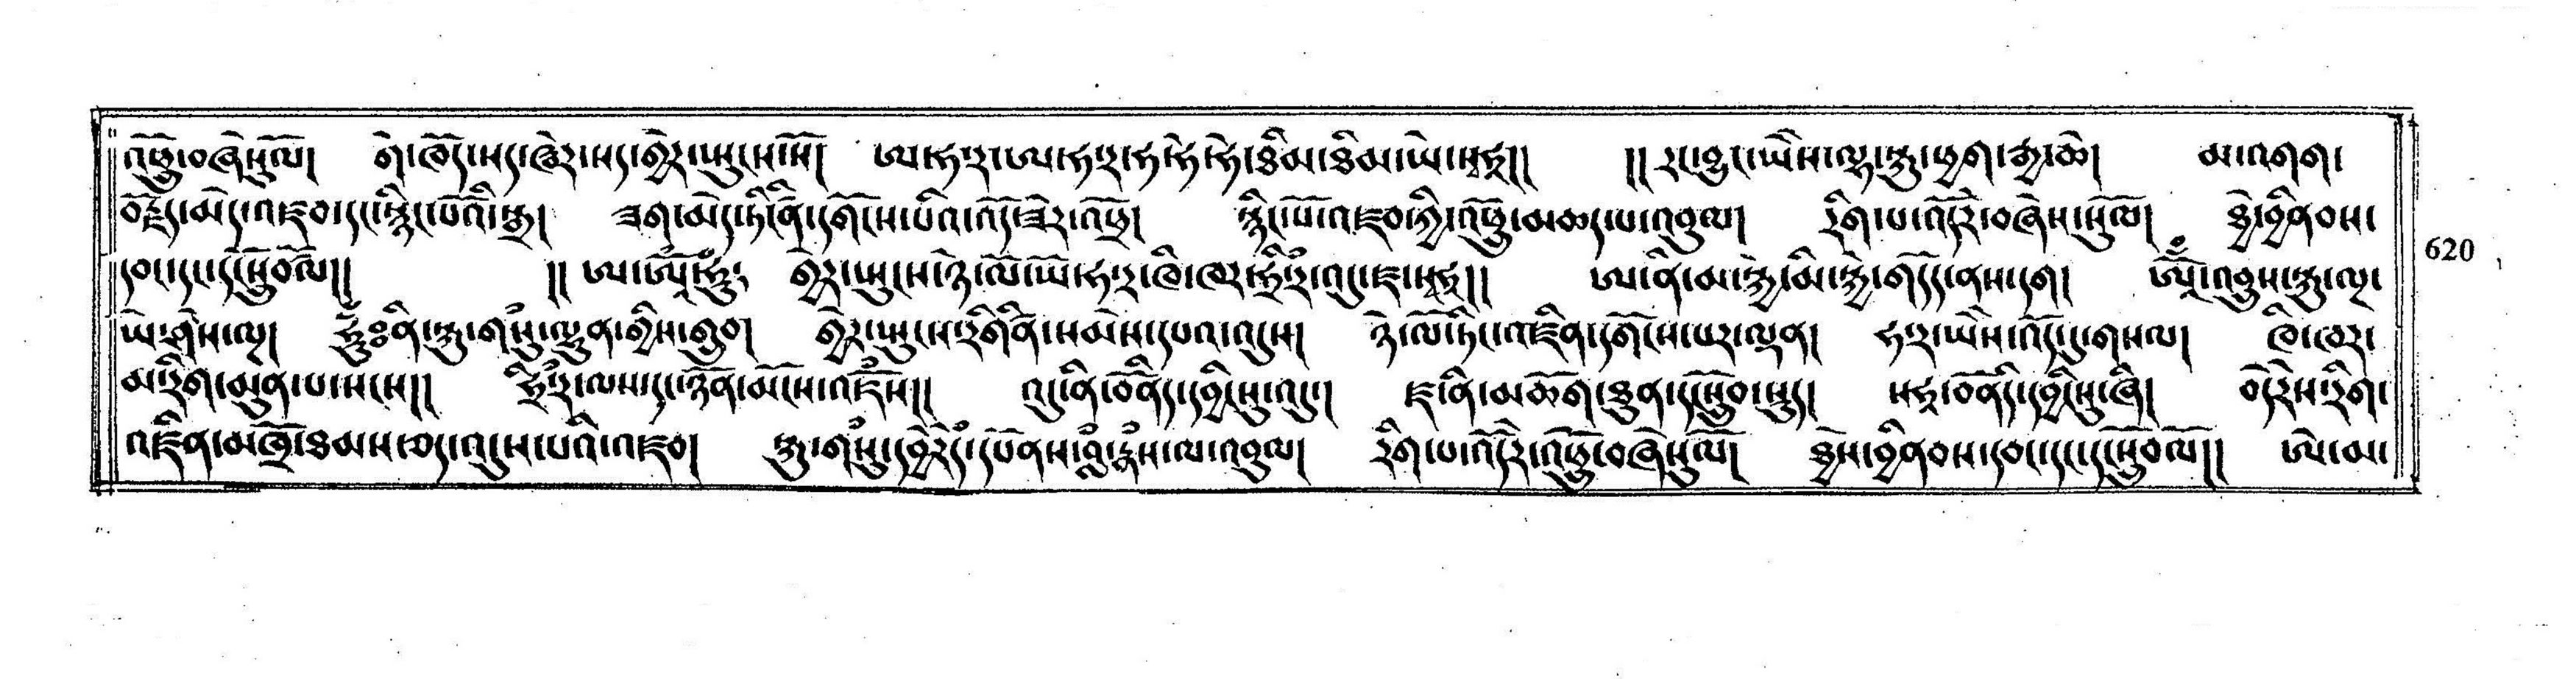འཕྲོ་འདུ་བཞེས་སུ་གསོལ། གེ་ཁོད་སད་ཝེར་སད་གྱེར་སྤུངས་སོ། ཨ་ཧ་ར་ཨ་ཧ་ར་ཧ་ཧེ་ཧེ་ཐིམ་ཐིམ་ཡེ་སྭཧཱ།། །།རང་བྱུང་ཡེ་ཤེས་ལྷ་སྐུ་ཕྱག་རྒྱ་ཆེ། མ་འགག་
བརྗོད་མེད་འཛབ་དང་སྙིང་པོའི་སྒྲ། ཟག་མེད་ཏིང་འཛིན་དགོངས་པའི་འོད་ཟེར་འཕྲོ། སྙིང་པོ་འཛབ་ཀྱི་འཕྲོ་འདུ་མཆོད་པ་འབུལ། རིག་པ་འོད་ཟེར་བཞེས་སུ་གསོལ། ཐུགས་རྗེ་བྱིན་རླབས་
དབང་དང་དངོས་གྲུབ་སྩོལ།། །།ཨ་ཨཱོཾ་ཧཱུཾ། གྱེར་སྤུངས་ཉེ་ལོ་ཡོ་ཧ་ར་ཁི་ཁར་ཧྲི་རཾ་འདུ་ཛ་སྭཧཱ།། ཨ་ནི་མ་སྐྱེ་མི་སྐྱེ་གདོད་ནས་དག ཨཱོཾ་འབྲས་བུ་སྐུ་ལྔ་
ཡེ་ཤེས་ལྔ། ཧཱུྃཿནི་སྐུ་གསུམ་ལྷུན་གྱིས་གྲུབ། གྱེར་སྤུངས་རིག་འཛིན་སེམས་དཔའ་འདུས། ཉེ་ལོ་ཏིང་འཛིན་དགོངས་པར་ལྡན། ཧ་ར་ཡེ་ཤེས་འོད་དུ་གསལ། ཁི་ཁར་
མ་རིག་མུན་པ་སངས།། ཧྲི་རཾ་ལས་དང་ཉོན་མོངས་འཇོམས།། འདུ་ནི་བོན་ཉིད་དབྱིངས་སུ་འདུ། ཛ་ནི་མཆོག་ཐུན་དངོས་གྲུབ་སྡུད། སཧཱ་བོན་ཉིད་དབྱིངས་སུ་ཞི། བདེར་གཤེགས་རིག་
འཛིན་མཁའ་འགྲོ་ཐམས་ཅད་འདུས་པའི་འཛབ། སྐུ་གསུམ་དབྱེར་མེད་དཔོན་གསས་བླ་མ་རྣམས་ལ་འབུལ། རིག་པ་འོད་ཟེར་འཕྲོ་འདུ་བཞེས་སུ་གསོལ། ཐུགས་རྗེས་བྱིན་རླབས་དབང་དང་དངོས་གྲུབ་སྩོལ།། ཨེ་མ་